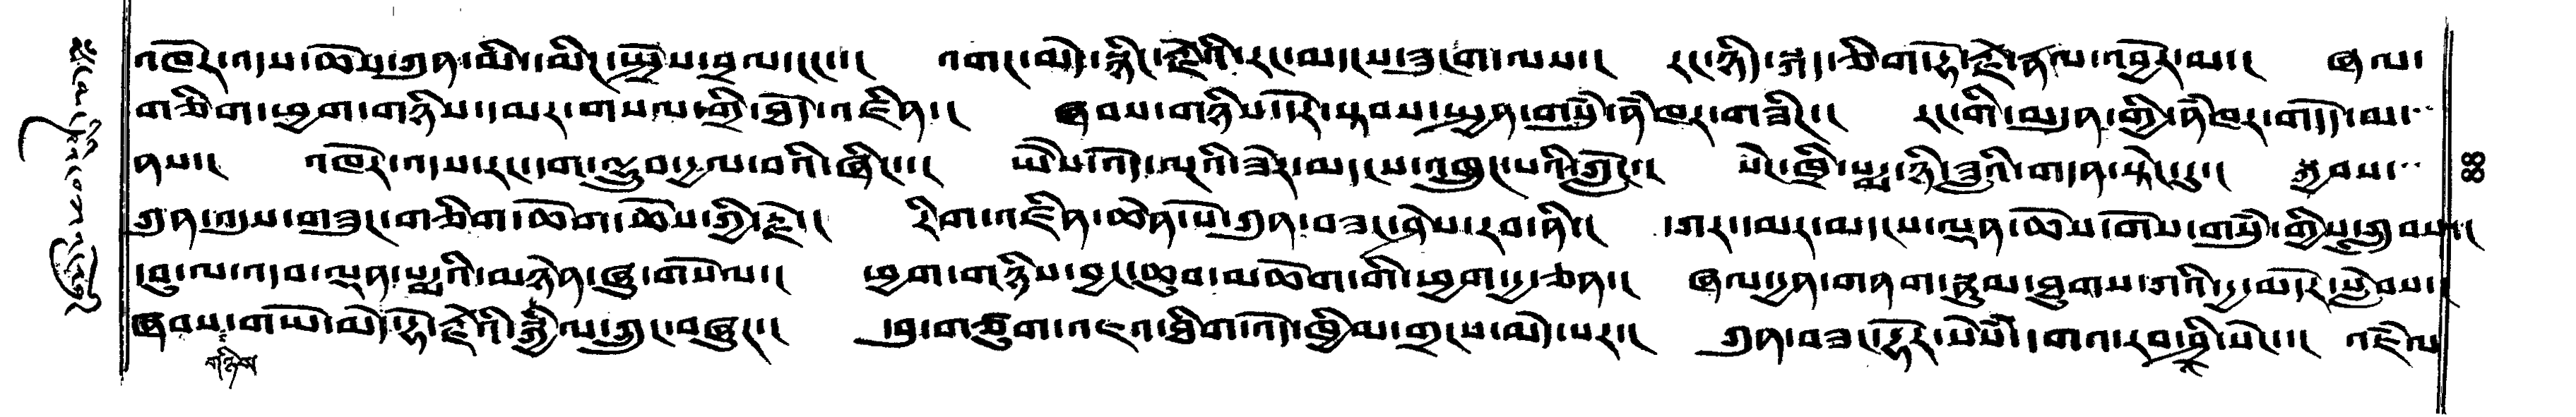འཁོར་འདས་ཆོས་ཀུན་མི་དམིགས་སྤྲོས་བྲལ་ངང་། །འགག་མེད་སྙིང་རྗེའི་རང་མདངས་ཟུང་འཇུག་ལས། །རང་ཉིད་སྐད་ཅིག་རྡོ་རྗེ་རྣལ་འབྱོར་མ། །ཞལ་
གཅིག་ཕྱག་གཉིས་དམར་གསལ་གྲི་ཐོད་འཛིན། །ཞབས་གཉིས་དོར་སྟབས་སྤྱན་གསུམ་ནམ་མཁར་གཟིགས། །རང་གི་མདུན་གྱི་ནམ་མཁར་གདོད་མ་
ནས། །འཁོར་འདས་རང་དག་ལྷུན་གྲུབ་རྒྱལ་བའི་ཞིང་། །ཡེ་ཤེས་འོད་ལྔའི་ཟེར་མདངས་འཁྲུགས་པའི་ཀློང་། །སེང་ཁྲི་པདྨ་ཉི་ཟླའི་གདན་སྟེང་དུ། །སྐྱབས་
ཀུན་འདུས་གཟུགས་གཅིག་ཆོག་ཆོས་ཀྱི་རྗེ། །རིག་འཛིན་ཆེན་པོ་ཀུན་བཟང་ཤེས་རབ་ནི། །དཀར་དམར་མདངས་ལྡན་ཆོས་གོས་གསུམ་གྱིས་ཀླུབས། །
དབུ་ལ་འདབ་ལྡན་པདྨའི་མཉེན་ཞུ་གསོལ། །ཕྱག་གཉིས་བྱང་ཆུབ་མཆོག་གི་ཕྱག་རྒྱ་ཅན། །ཞལ་རྒྱན་གནག་སྣུམ་ཐུགས་ཀའི་རྒྱ་མདོར་སླེབ། །
ཞབས་གཉིས་གཡོ་མེད་རྡོ་རྗེའི་སྐྱིལ་ཀྲུང་བཞུགས། །དབུ་གཙུག་འཇའ་ཐིག་འོད་ཁྱིམ་གྲངས་མེད་པར། །ཀུན་བཟང་རྡོར་སེམས་དགའ་རབ་ཤྲཱི་སེང་། །འཇམ་དཔལ་